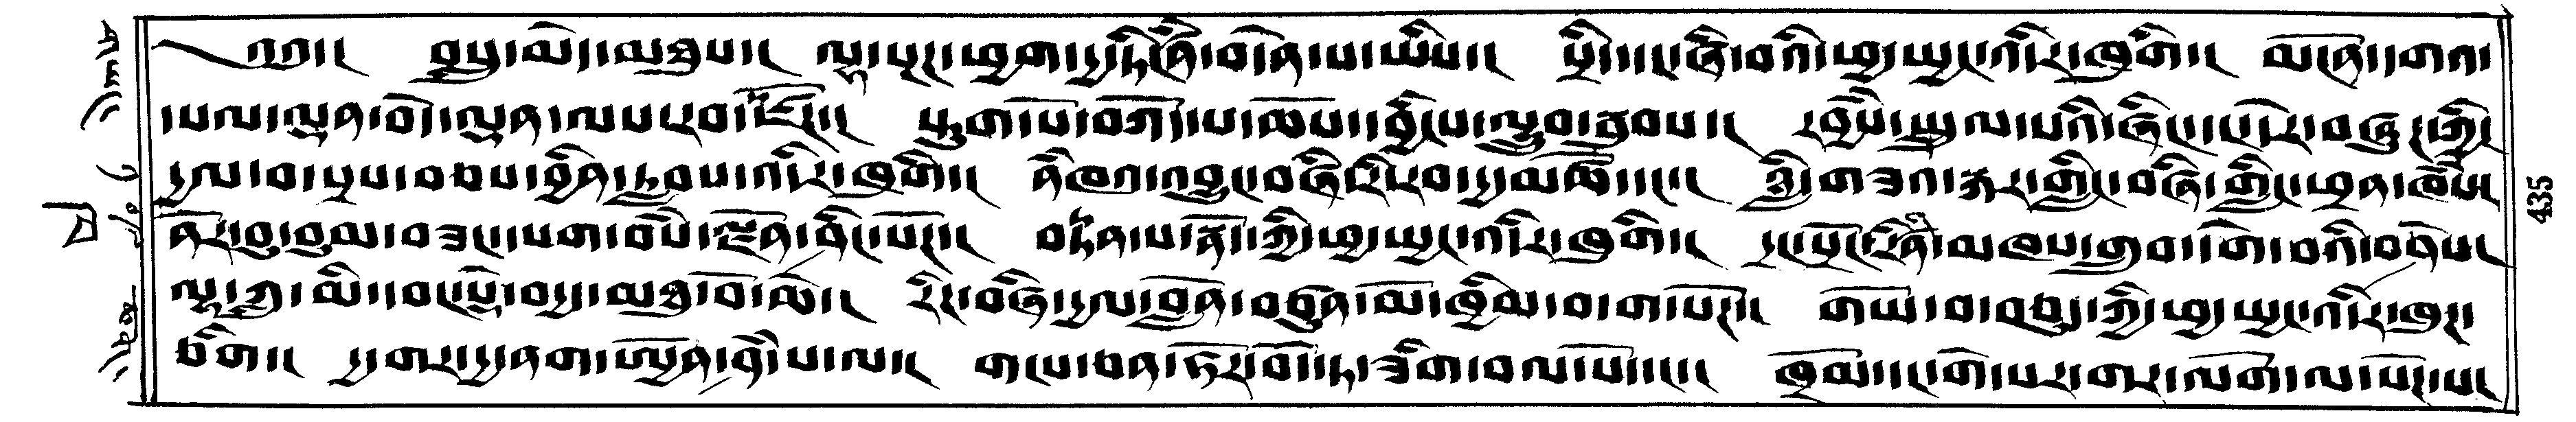བསླུ་མེད་མཐུས། །ལྷ་སྔགས་ཕྱག་རྒྱ་ཏིང་འཛིན་བདེན་པ་ཡིས། །སྲིད་དང་ཞི་བའི་ཕྱྭ་གཡང་འདིར་ཁུག་ཅིག །མངོན་དགའ་
དཔལ་ལྡན་བདེ་ལྡན་ལས་རབ་རྫོགས། །སྟུག་པོ་བཀོད་པ་ཆོས་དབྱིངས་ལྷུན་གྲུབ་སྦུབས། །རབ་འབྱམས་སྤྲུལ་པའི་ཞིང་དང་དེར་བཞུགས་ཀྱི། །
རྒྱལ་བ་སྲས་བཅས་བྱིན་རླབས་འདིར་ཁུག་ཅིག །ནམ་མཁའ་འབྱུང་བཞི་རི་རབ་རྒྱ་མཚོ་དང་། ཉི་ཟླ་གཟའ་སྐར་གླིང་བཞི་གླིང་ཕྲན་ཁམས། །
ནོར་བུ་བུམ་བཟང་དཔག་བསམ་ལྗོན་ཤིང་སོགས། །བརྟན་པ་སྣོད་ཀྱི་ཕྱ་གཡང་འདིར་ཁུག་ཅིག །དྲང་སྲོང་རིག་འཛིན་མཁས་གྲུབ་དགེ་བའི་བཤེས། །
ལྷ་ཀླུ་མི་དབང་སྡེ་བརྒྱད་མཐུ་བོ་ཆེ། །རིགས་བཞི་རྒྱལ་བློན་བཙུན་མོ་ཁྱིམ་བདག་སོགས། །གཡོ་བ་བཅུད་ཀྱི་ཕྱྭ་གཡང་འདིར་ཁུག་
ཅིག །རྒྱ་གར་རྒྱ་ནག་ཨོ་རྒྱན་ཤམ་བྷ་ལ། །གངས་ཅན་ཧོར་བོད་ཏ་ཟིག་བལ་པོ་དང་། །ཁྲོམ་དང་གེ་སར་གར་ལོག་ལ་སོགས་པ།